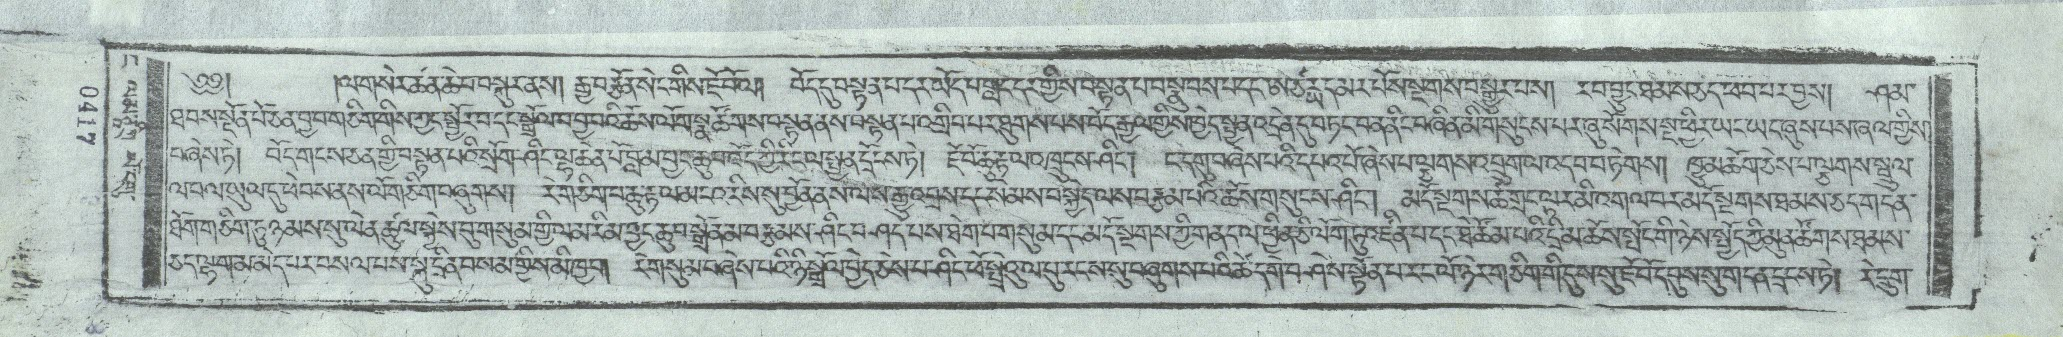༄༅། །ལ་གསེར་ཚན་ཆེ་བ་བསྐུར་ནས། རྒྱ་བརྩོན་སེང་གིས་ཇོ་བོ་ལ། བོད་དུ་བསྟན་པ་དར་ཡོད་པ་གླང་དར་གྱིས་བསྟན་པ་བསྣུབས་པ་དང་ཨ་ཙརྱ་དམར་པོས་སྔགས་བསྒྱུར་པས། རབ་བྱུང་ཐམས་ཅད་ཕབ་པར་བྱས། ཤམ་
ཐབས་སྔོན་པོ་ཅན་བྱ་བ་གཅིག་གིས་ཀྱང་སྦྱོར་བ་དང་སྒྲོལ་བ་བྱ་བའི་ཆོས་ལོག་སྣ་ཚོགས་བསྟན་ནས་བསྟན་པ་འགྲིབ་པར་ཐུགས་པས་བོད་རྒྱལ་གྱིས་ཁྱེད་སྤྱན་འདྲེན་དུ་བཏང་བ་ན་ནིང་བཞིན་མི་གསུངས་པར་ཞུ་སོགས་སྔ་ཕྱིར་ཡང་ཡང་ཞུས་པས་ཞལ་གྱིས་
བཞེས་ཏེ། བོད་གངས་ཅན་གྱི་བསྟན་པའི་སྲོག་ཤིང་ལྷ་ཆེན་པོ་བླ་མ་བྱང་ཆུབ་འོད་ཀྱི་རིང་ལ་སྤྱན་དྲོངས་ཏེ། ཇོ་བོ་ཆུ་རྟ་ལ་འཁྲུངས་ཤིང་། ད་དགུ་བཞེས་པའི་དཔའ་པོ་ཞེས་པ་ལྕགས་འབྲུག་ལ་འདབ་བཏེགས། ཁྱུ་མཆོག་ཅེས་པ་ལྕགས་སྦྲུལ་
ལ་བལ་ཡུལ་དུ་ཕེབས་ནས་ལོ་གཅིག་བཞུགས། རེ་གཅིག་པ་ཚུ་རྟ་ལ་མངའ་རིས་སུ་བྱོན་ནས་ལས་རྒྱུ་འབྲས་དང་སེམས་བསྐྱེད་ལས་བརྩམ་པའི་ཆོས་གསུངས་ཤིང་། མདོ་སྔགས་ཚ་གྲང་ལྟར་མི་འགལ་བར་མདོ་སྔགས་ཐམས་ཅད་གདན་
ཐོག་གཅིག་ཏུ་ཉམས་སུ་ལེན་ཚུལ་སྐྱེས་བུ་གསུམ་གྱི་ལམ་རིམ་བྱང་ཆུབ་སྒྲོན་མ་བརྩམས་ཤིང་བཤད་པས་ཐེག་པ་གསུམ་དང་མདོ་སྔགས་ཀྱི་གནང་ལ་ཕྱིན་ཅི་ལོག་ཏུ་འཛིན་པ་དང་ཐེ་ཚོམ་པའི་དྲི་མ་ཆོས་སྤོང་གི་ཉེས་སྤྱོད་ཀྱི་མུན་ཚོགས་ཐམས་
ཅད་ལྷག་མ་མེད་པར་བསལ་པས་སྐུ་དྲིན་བསམ་གྱིས་མི་ཁྱབ། རེ་གསུམ་བཞེས་པའི་ཉི་སྒྲོལ་བྱེད་ཅེས་པ་ཤིང་ཕོ་སྤྲེའུ་ལ་པུ་རངས་སུ་བཞུགས་པའི་ཆོ་དགེ་བཤེས་སྟོན་པ་རང་ལོ་ཉེར་གཅིག་གི་དུས་སུ་ཇོ་བོ་དབུས་སུ་གདན་བྲངས་ཏེ། རེ་དྲུག་